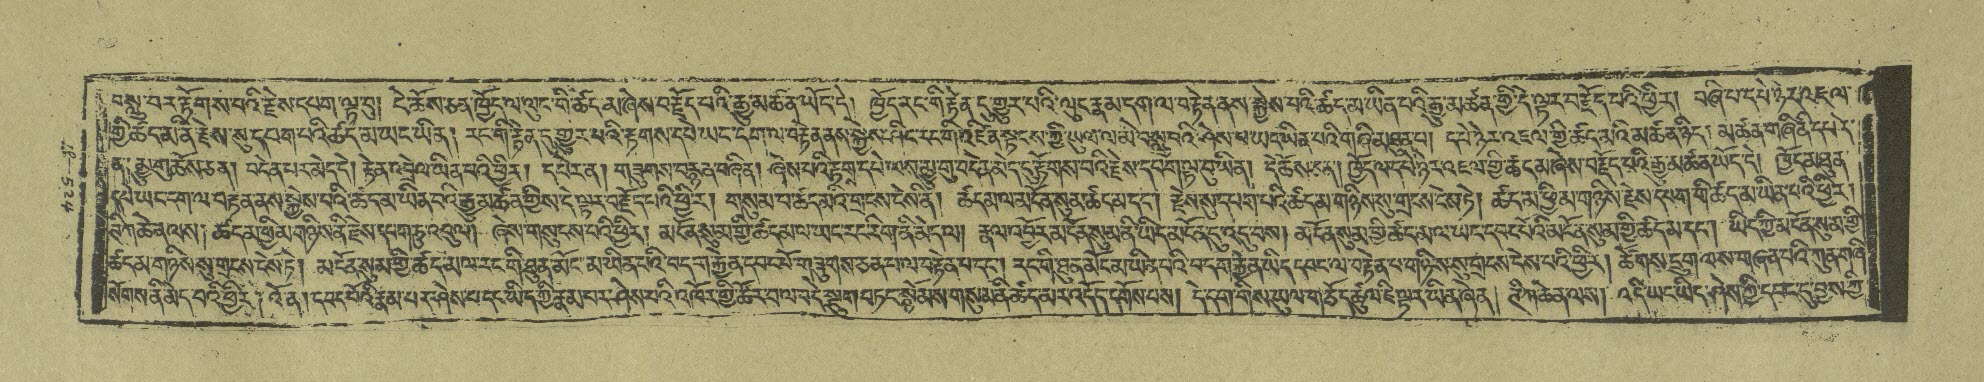བསླུ་བར་རྟོགས་པའི་རྗེས་དཔག་ལྟ་བུ། དེ་ཆོས་ཅན་ཁྱོད་ལ་ལུང་གི་ཚད་མ་ཞེས་བརྗོད་པའི་རྒྱུ་མཚན་ཡོད་དེ། ཁྱོད་རང་གི་རྟེན་དུ་གྱུར་པའི་ལུང་རྣམ་དག་ལ་བརྟེན་ནས་སྐྱེས་པའི་ཚད་མ་ཡིན་པའི་རྒྱུ་མཚན་གྱི་དེ་ལྟར་བརྗོད་པའི་ཕྱིར། བཞི་པ་དཔེ་ཉེར་འཇལ་
གྱི་ཚད་མ་ནི་རྗེས་སུ་དཔག་པའི་ཚད་མ་ཡང་ཡིན། རང་གི་རྟེན་དུ་གྱུར་པའི་རྟགས་དཔེ་ཡང་དག་ལ་བརྟེན་ནས་སྐྱེས་ཤིང་རང་གི་འཛིན་སྟངས་ཀྱི་ཡུལ་ལ་མི་བསླུ་བའི་ཤེས་པ་ཡང་ཡིན་པའི་གཞི་མཐུན་པ། དཔེ་ཉེར་འཇལ་གྱི་ཚད་མའི་མཚན་ཉིད། མཚན་གཞི་ནི་དཔེར་
ན། མྱུ་གུ་ཆོས་ཅན། བདེན་པར་མེད་དེ། རྟེན་འབྲེལ་ཡིན་པའི་ཕྱིར། དཔེར་ན། གཟུགས་བརྙན་བཞིན། ཞེས་པའི་རྟགས་དཔེ་ལས་མྱུ་གུ་བདེན་མེད་དུ་རྟོགས་པའི་རྗེས་དཔག་ལྟ་བུ་ཡིན། དེ་ཆོས་ཅན། ཁྱོད་ལ་དཔེ་ཉེར་འཇལ་གྱི་ཚད་མ་ཞེས་བརྗོད་པའི་རྒྱུ་མཚན་ཡོད་དེ། ཁྱོད་མཐུན་
དཔེ་ཡང་དག་ལ་བརྟེན་ནས་སྐྱེས་པའི་ཚད་མ་ཡིན་པའི་ཕྱིར་མཚན་གྱིས་དེ་ལྟར་བརྗོད་པའི་ཕྱིར། གསུམ་པ་ཚད་མའི་གྲངས་ངེས་ནི། ཚད་མ་ལ་མངོན་སུམ་ཚད་མ་དང་། རྗེས་སུ་དཔག་པའི་ཚད་མ་གཉིས་སུ་གྲངས་ངེས་ཏེ། ཚད་མ་ཕྱི་མ་གཉིས་རྗེས་དཔག་གི་ཚད་མ་ཡིན་པའི་ཕྱིར།
ཊིཀ་ཆེན་ལས། ཚད་མ་ཕྱི་མ་གཉིས་ནི་རྗེས་དཔག་ཏུ་འདུལ། ཞེས་གསུངས་པའི་ཕྱིར། མངོན་སུམ་གྱི་ཚད་མ་ལ་ཡང་རང་རིག་ནི་མེད་ལ། རྣལ་འབྱོར་མངོན་སུམ་ནི་ཡིད་མངོན་དུ་འདུ་བས། མངོན་སུམ་གྱི་ཚད་མ་ལ་ཡང་དབང་པོའི་མངོན་སུམ་གྱི་ཚད་མ་དང་། ཡིད་ཀྱི་མངོན་སུམ་གྱི་
ཚད་མ་གཉིས་སུ་གྲངས་ངེས་ཏེ། མངོན་སུམ་གྱི་ཚད་མ་ལ་རང་གི་ཐུན་མོང་མ་ཡིན་པའི་བདག་རྐྱེན་དབང་པོ་གཟུགས་ཅན་པ་ལ་བརྟེན་པ་དང་། རང་གི་ཐུན་མོང་མ་ཡིན་པའི་བདག་རྐྱེན་ཡིད་དབང་ལ་བརྟེན་པ་གཉིས་སུ་གྲངས་ངེས་པའི་ཕྱིར། ཚོགས་དྲུག་ལས་གཞན་པའི་ཀུན་གཞི་
སོགས་ནི་མེད་པའི་ཕྱིར། འོ་ན། དབང་པོའི་རྣམ་པར་ཤེས་པ་དང་ཡིད་ཀྱི་རྣམ་པར་ཤེས་པའི་འཁོར་གྱི་ཚོར་བ་ལ་བདེ་སྡུག་བཏང་སྙོམས་གསུམ་ནི་ཚད་མར་འདོད་དགོས་པས། དེ་དག་གིས་ཡུལ་གཅོད་ཚུལ་ཇི་ལྟར་ཡིན་ཞེ་ན། ཊིཀ་ཆེན་ལས། འདི་ཡང་ཡིད་ཤེས་ཀྱི་དབང་དུ་བྱས་ཀྱི་